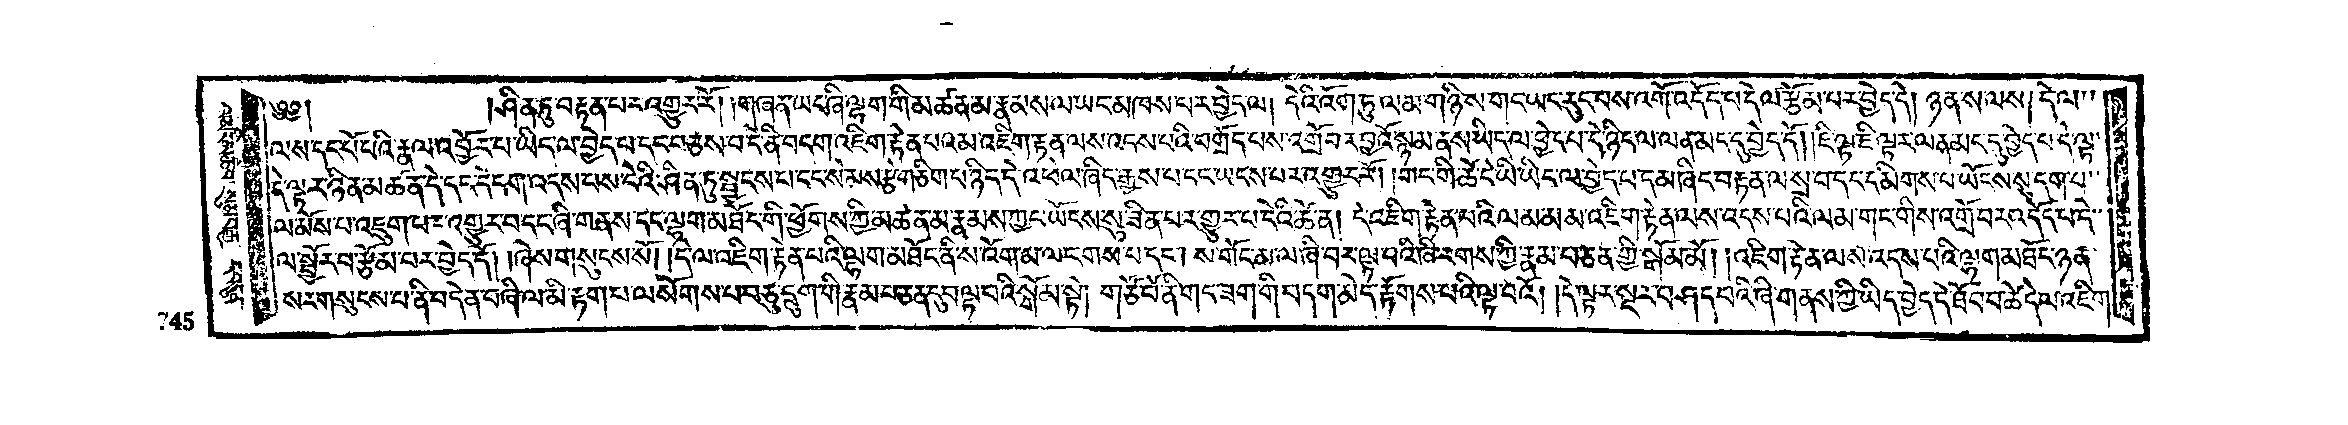༄༅། །ཤིན་ཏུ་བརྟན་པར་འགྱུར་རོ། །གཞན་ཡང་ཞི་ལྷག་གི་མཚན་མ་རྣམས་ལ་ཡང་མཁས་པར་བྱེད་ལ། དེའི་འོག་ཏུ་ལམ་གཉིས་གང་ཡང་རུང་བས་འགྲོ་འདོད་པ་དེ་ལ་རྩོམ་པར་བྱེད་དེ། ཉན་ས་ལས། དེ་ལ་
ལས་དང་པོ་པའི་རྣལ་འབྱོར་པ་ཡིད་ལ་བྱེད་པ་དང་བཅས་པ་དེ་ནི་བདག་འཇིག་རྟེན་པའམ་འཇིག་རྟེན་ལས་འདས་པའི་བགྲོད་པས་འགྲོ་བར་བྱའོ་སྙམ་ནས་ཡིད་ལ་བྱེད་པ་དེ་ཉིད་ལ་ལན་མང་དུ་བྱེད་དོ། །ཇི་ལྟ་ཇི་ལྟར་ལན་མང་དུ་བྱེད་པ་དེ་ལྟ་
དེ་ལྟར་ཉིན་མཚན་དེ་དང་དེ་དག་འདས་པས་དེའི་ཤིན་ཏུ་སྦྱངས་པ་དང་སེམས་རྩེ་གཅིག་པ་ཉིད་དེ་འཕེལ་ཞིང་རྒྱས་པ་དང་ཡངས་པར་འགྱུར་རོ། །གང་གི་ཚེ་དེ་ཡི་ཡིད་ལ་བྱེད་པ་དམ་ཞིང་བརྟན་ལ་སྲ་བ་དང་དམིགས་པ་ཡོངས་སུ་དག་པ་
ལ་མོས་པ་འཇུག་པར་འགྱུར་བ་དང་ཞི་གནས་དང་ལྷག་མཐོང་གི་ཕྱོགས་ཀྱི་མཚན་མ་རྣམས་ཀྱང་ཡོངས་སུ་ཟིན་པར་གྱུར་པ་དེའི་ཚེ་ན། དེ་འཇིག་རྟེན་པའི་ལམ་མམ་འཇིག་རྟེན་ལས་འདས་པའི་ལམ་གང་གིས་འགྲོ་བར་འདོད་པ་དེ་
ལ་སྦྱོར་བ་རྩོམ་པར་བྱེད་དོ། །ཞེས་གསུངས་སོ། །དེ་ལ་འཇིག་རྟེན་པའི་ལྷག་མཐོང་ནི་ས་འོག་མ་ལ་རགས་པ་དང་། ས་གོང་མ་ལ་ཞི་བར་ལྟ་བའི་ཞི་རགས་ཀྱི་རྣམ་པ་ཅན་གྱི་སྒོམ་མོ། །འཇིག་རྟེན་ལས་འདས་པའི་ལྷག་མཐོང་ཉན་
སར་གསུངས་པ་ནི་བདེན་བཞི་ལ་མི་རྟག་པ་ལ་སོགས་པ་བཅུ་དྲུག་གི་རྣམ་པ་ཅན་དུ་བལྟ་བའི་སྒོམ་སྟེ། གཙོ་བོ་ནི་གང་ཟག་གི་བདག་མེད་རྟོགས་པའི་ལྟ་བའོ། །དེ་ལྟར་སྔར་བཤད་པའི་ཞི་གནས་ཀྱི་ཡིད་བྱེད་དེ་ཐོབ་པ་ཚེ་དེ་ལ་འཇིག་